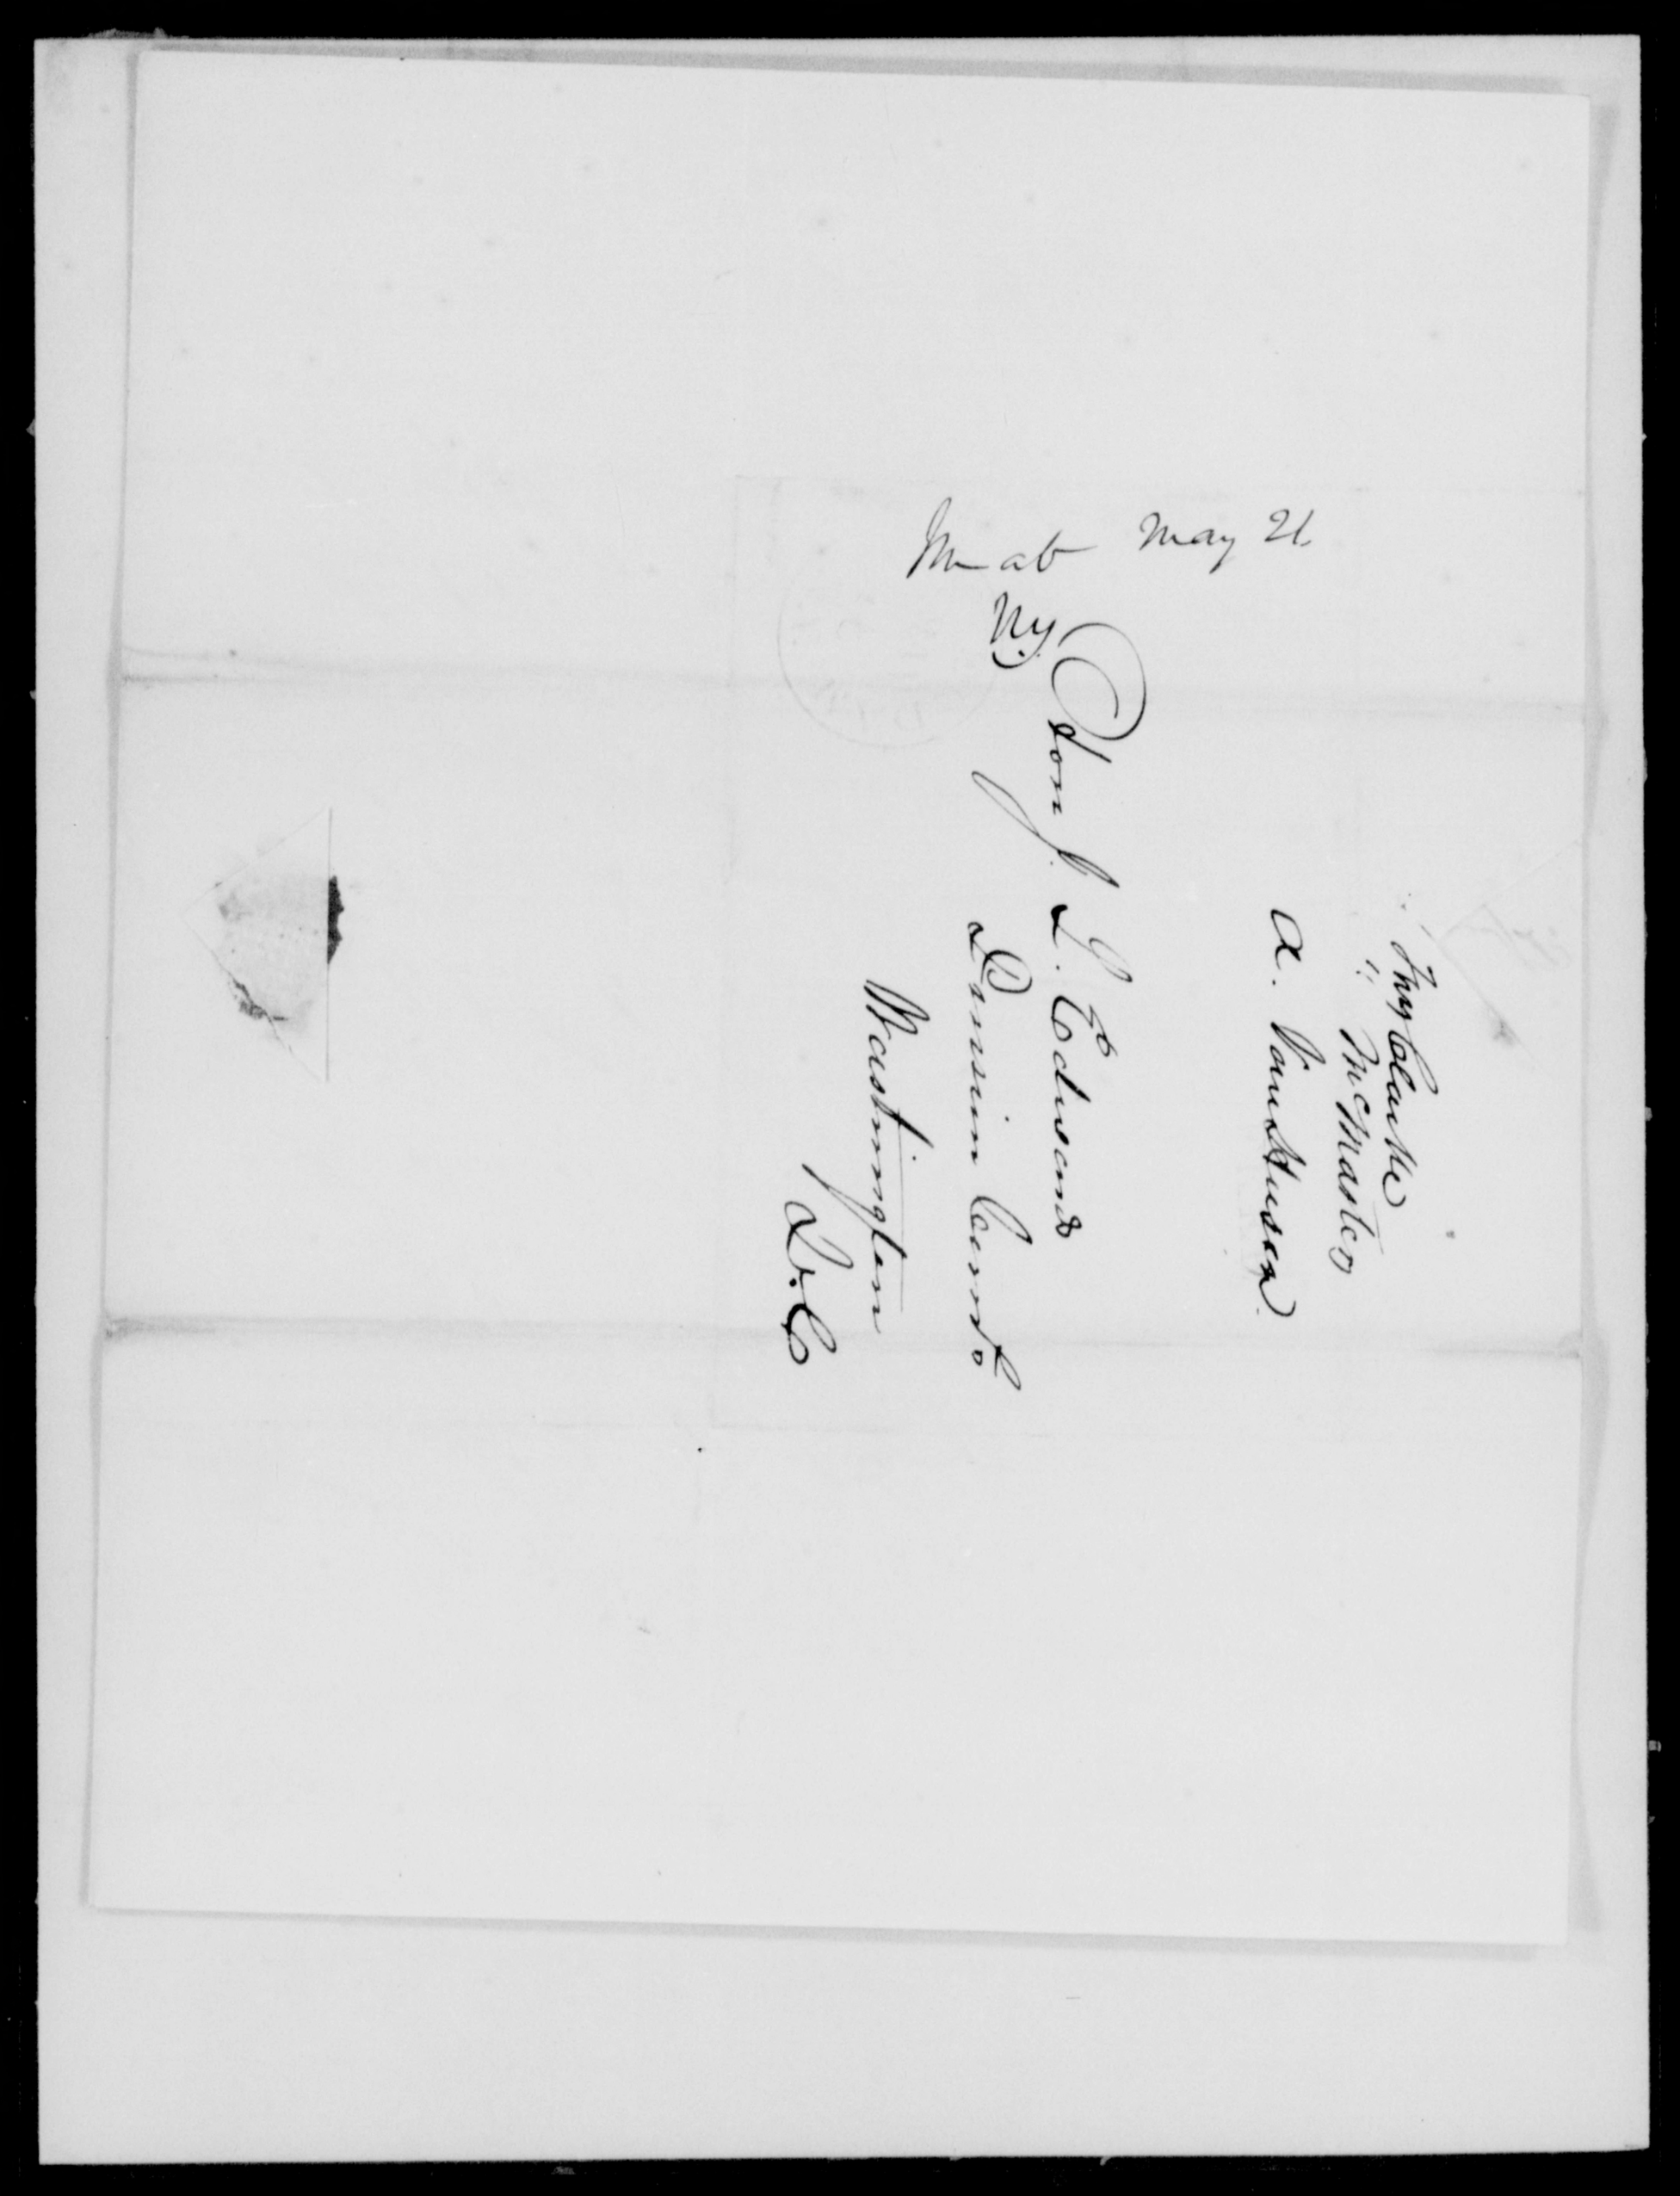In ab  May 21
N.Y 

Hon J. L. Edwards 
Pension Commr
Washington D.C

Thos Clarke
Thos McMaster
A. Van Husen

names: J L Edwards, A Van Husen, Clarke, Mc Masters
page: 38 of 57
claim: survivor's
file: S. 28,925, Albert Van Housen, New York